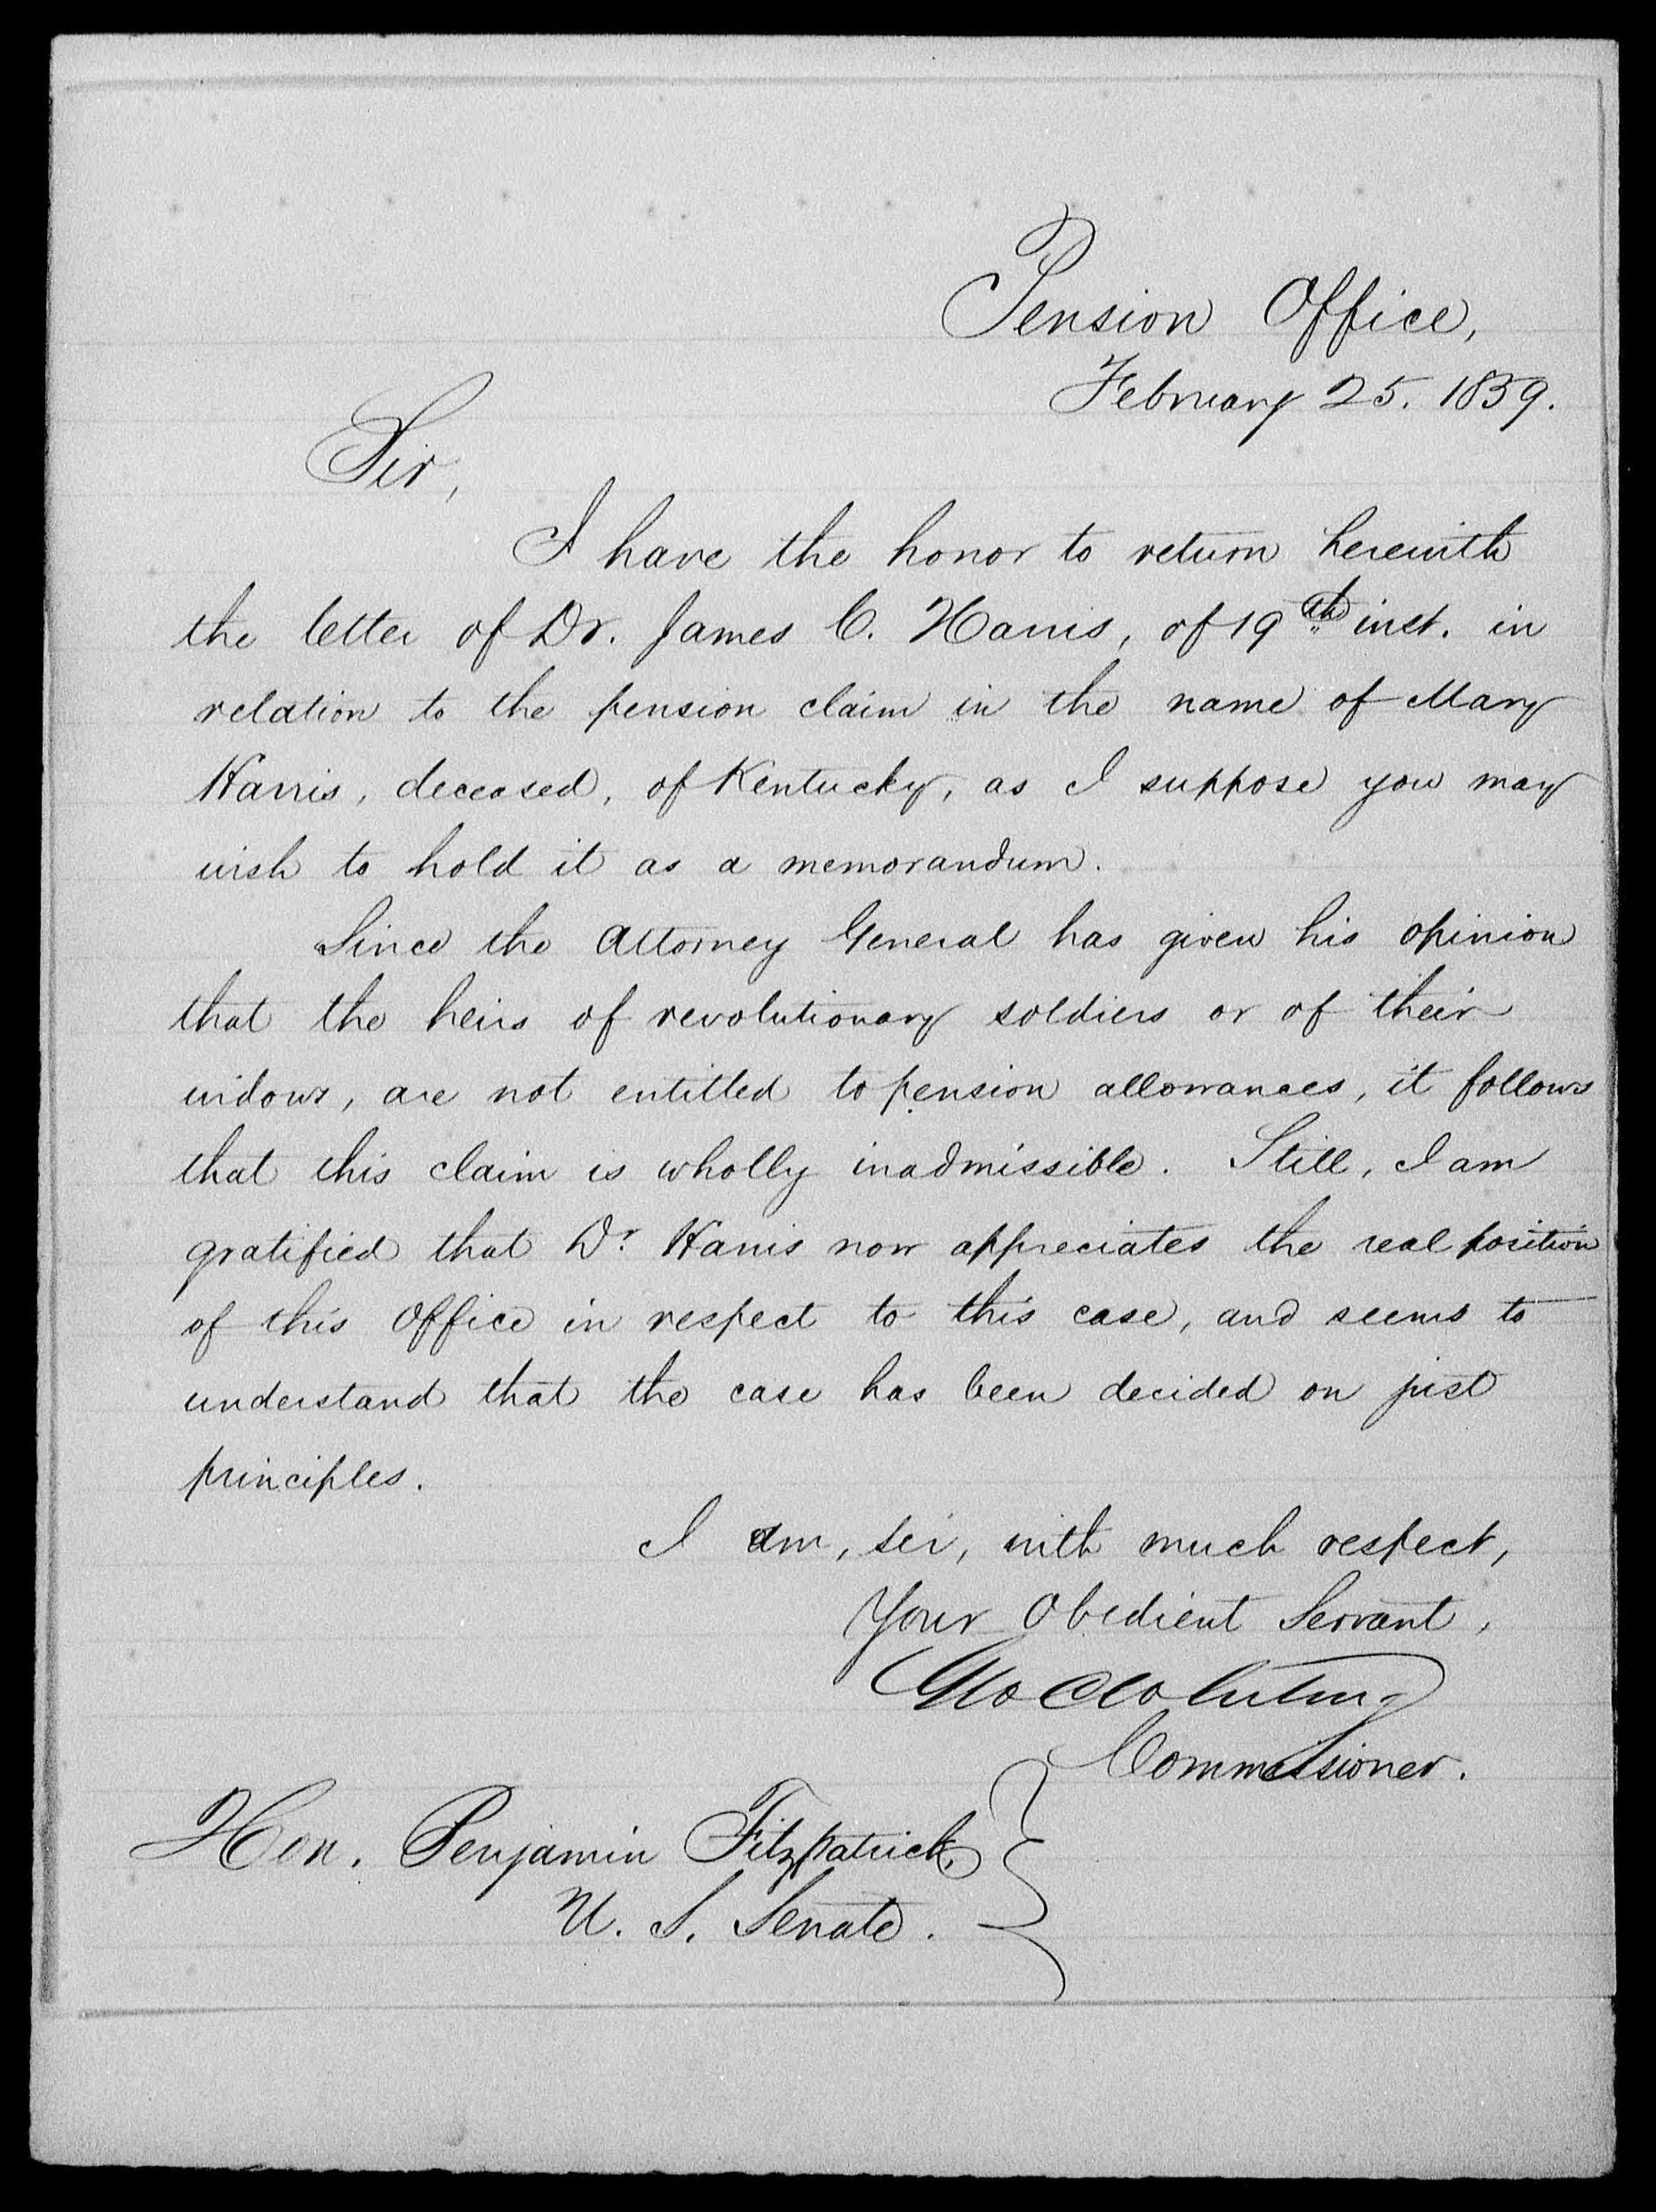Pension Office
February 25, 1859

Sir,
I have the honor to return herewith the letter of Dr. James C. Harris, of 19th inst. in relation to the pension claim in the name of Mary Harris, deceased, of Kentucky, as I suppose you may wish to hold it as a memorandum.
Since the Attorney General has given his opinion that the heirs of revolutionary soldiers or of their widows, are not entitled to pension allowances, it follows that this claim is wholly inadmissible.  Still, I am gratified that Dr. Harris now appreciates the real position of this office in respect to this case, and seems to understand that the case has been decided on just principles.
I am, sir, with much respect,
Your Obedient Servant
Geo C. Whiting
Commissioner

Hon Benjamin Fitzpatrick }
U. S. Senate                      }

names: Mary Harris, Harris, Benjamin Fitzpatrick, Geo C Whiting, James C Harris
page: 143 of 160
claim: rejected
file: R. 4666, James Harris, Va.